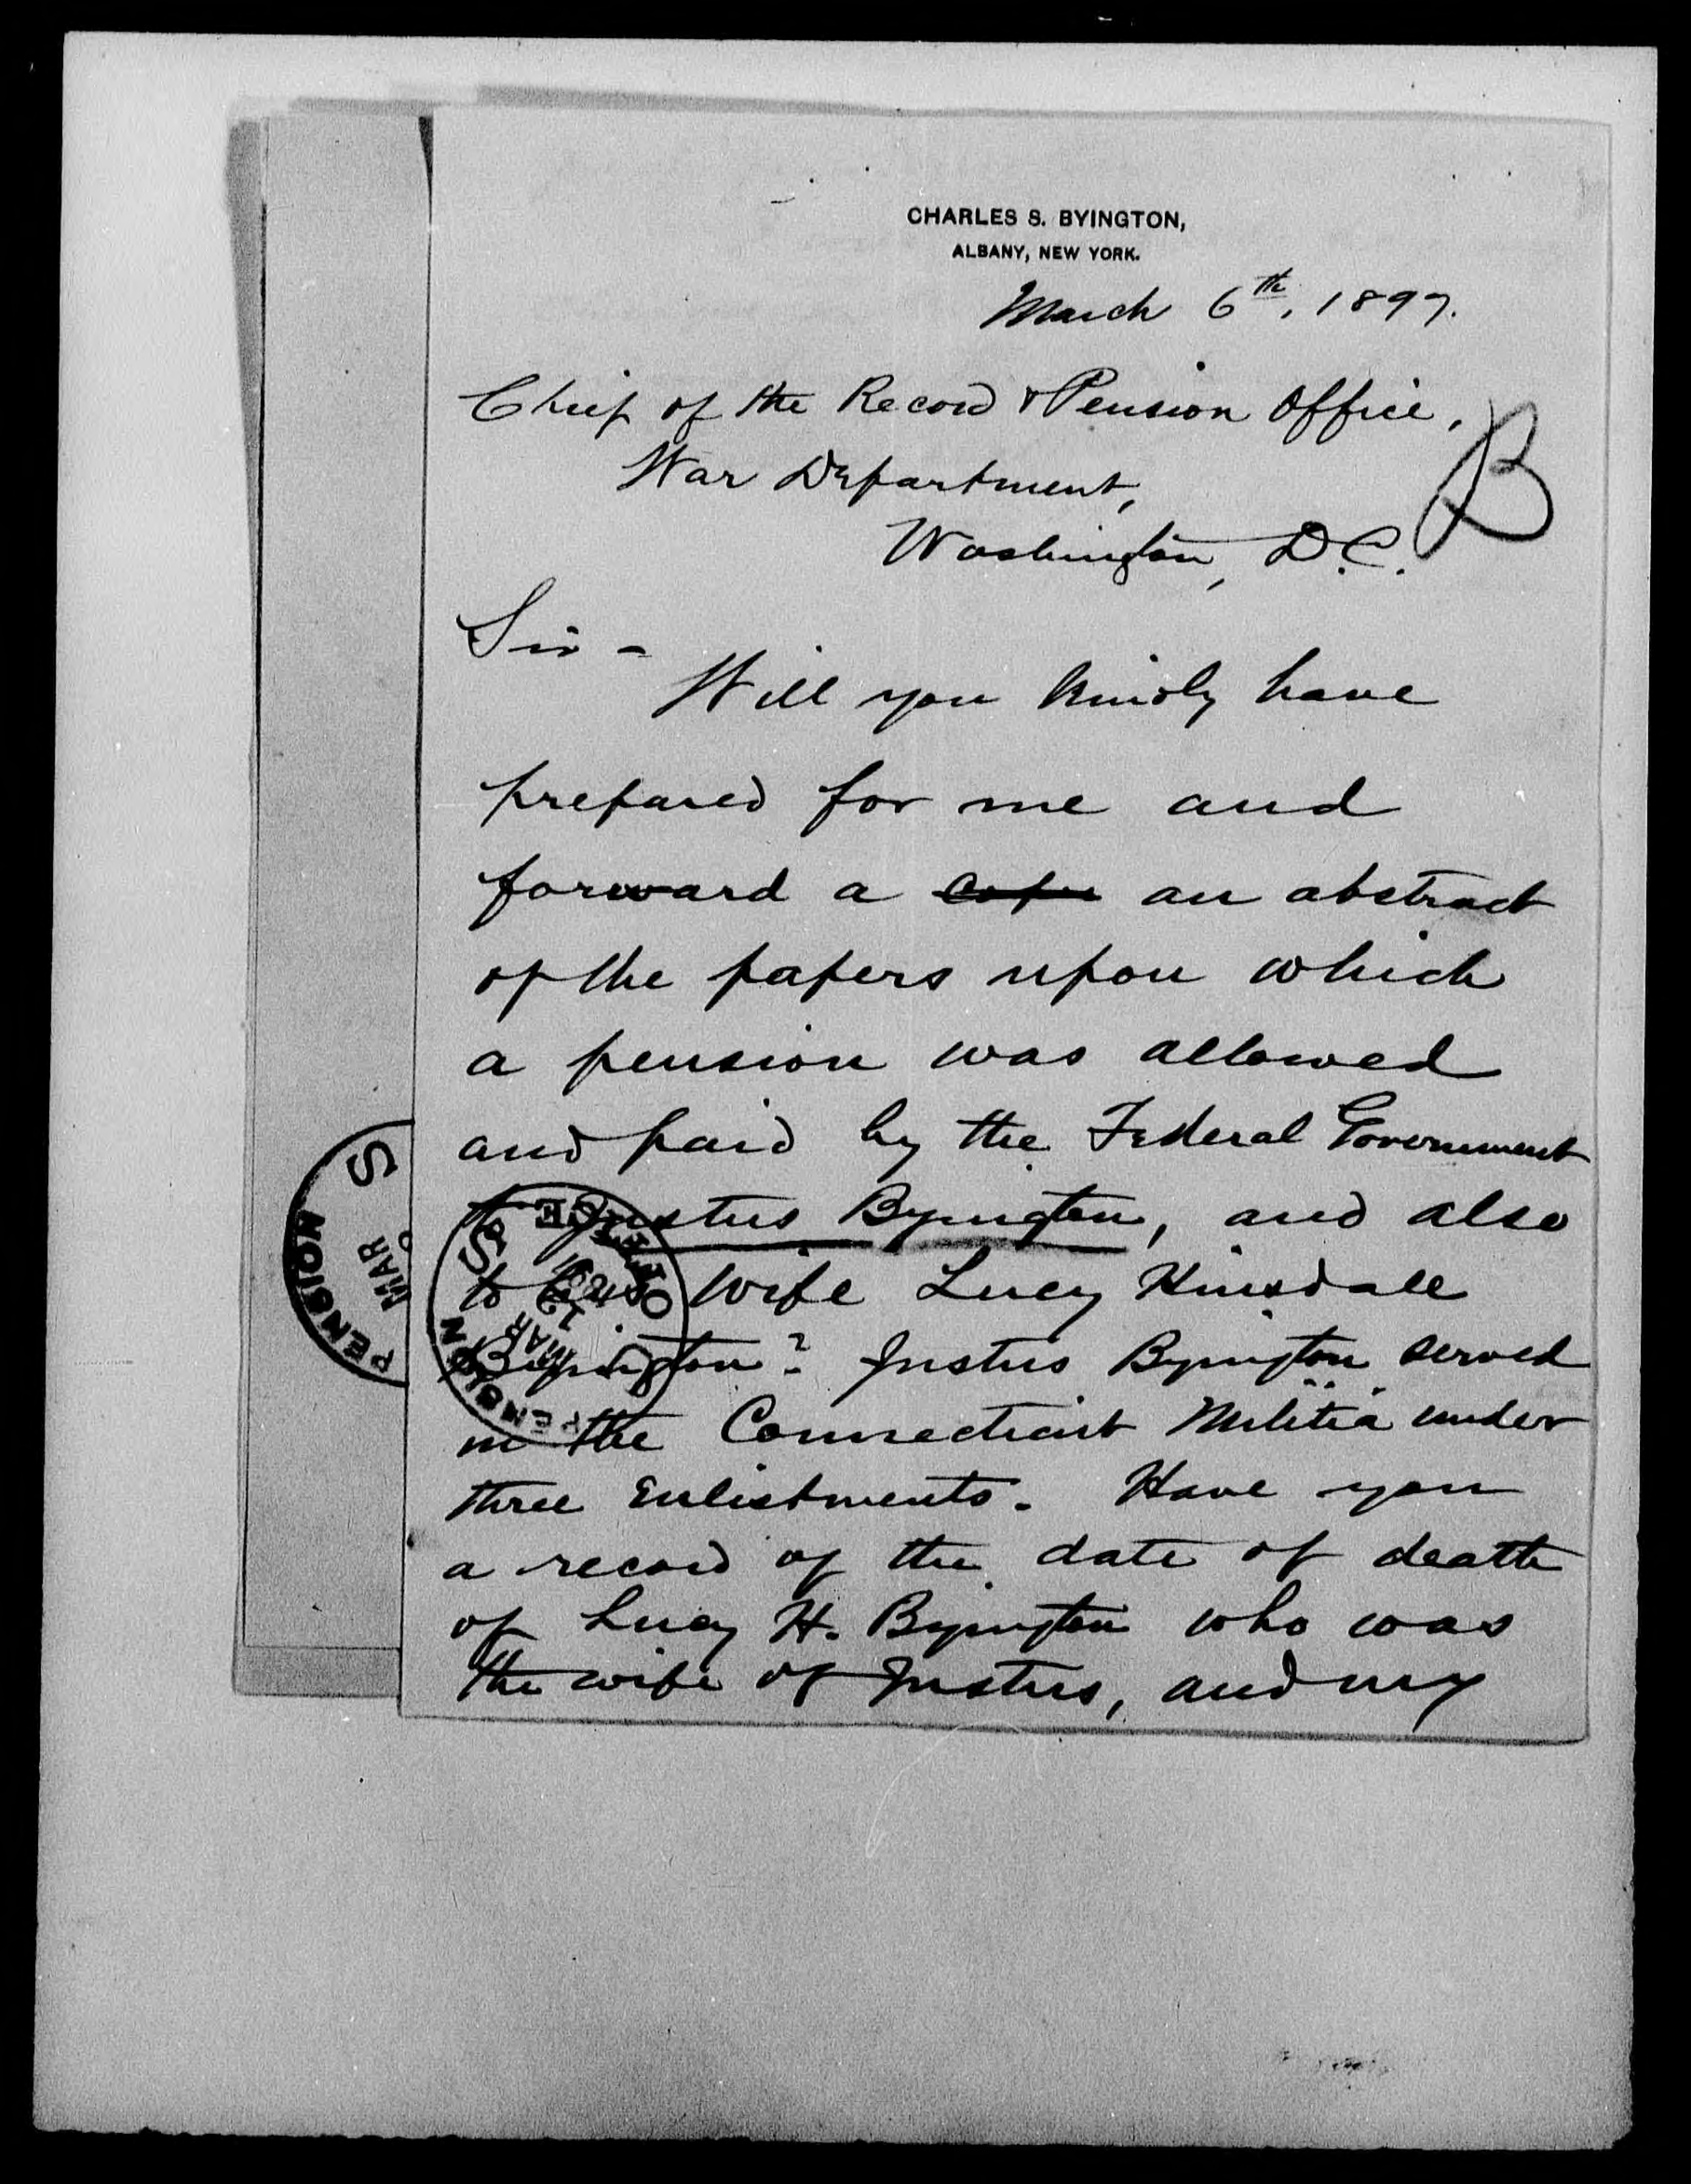CHARLES S. BYINGTON
ALBANY, NEW YORK.
March 6th, 1897
Chief of the Record & Pension Office.
War Department
Washington, D.C.   B
Sir-
Will you kindly have prepared for me and forward a an abstract of the papers upon which a pension was allowed and paid by the Federal Government Justus Byington and also wife Lucy Hinsdale Byington? Justus Byington served in the Connecticut Militia under three enlistments. Have you a record of the date of death of Lucy H. Byington who was the wife of Justus, and my [stamp] PENSION OFFICE U.S. MAR 12 1897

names: Justus, Lucy Hinsdale Byington, Justus Byington, Lucy H Byington, Justus Byington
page: 70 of 79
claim: widow's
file: W. 23754, Justus Byington, Conn.